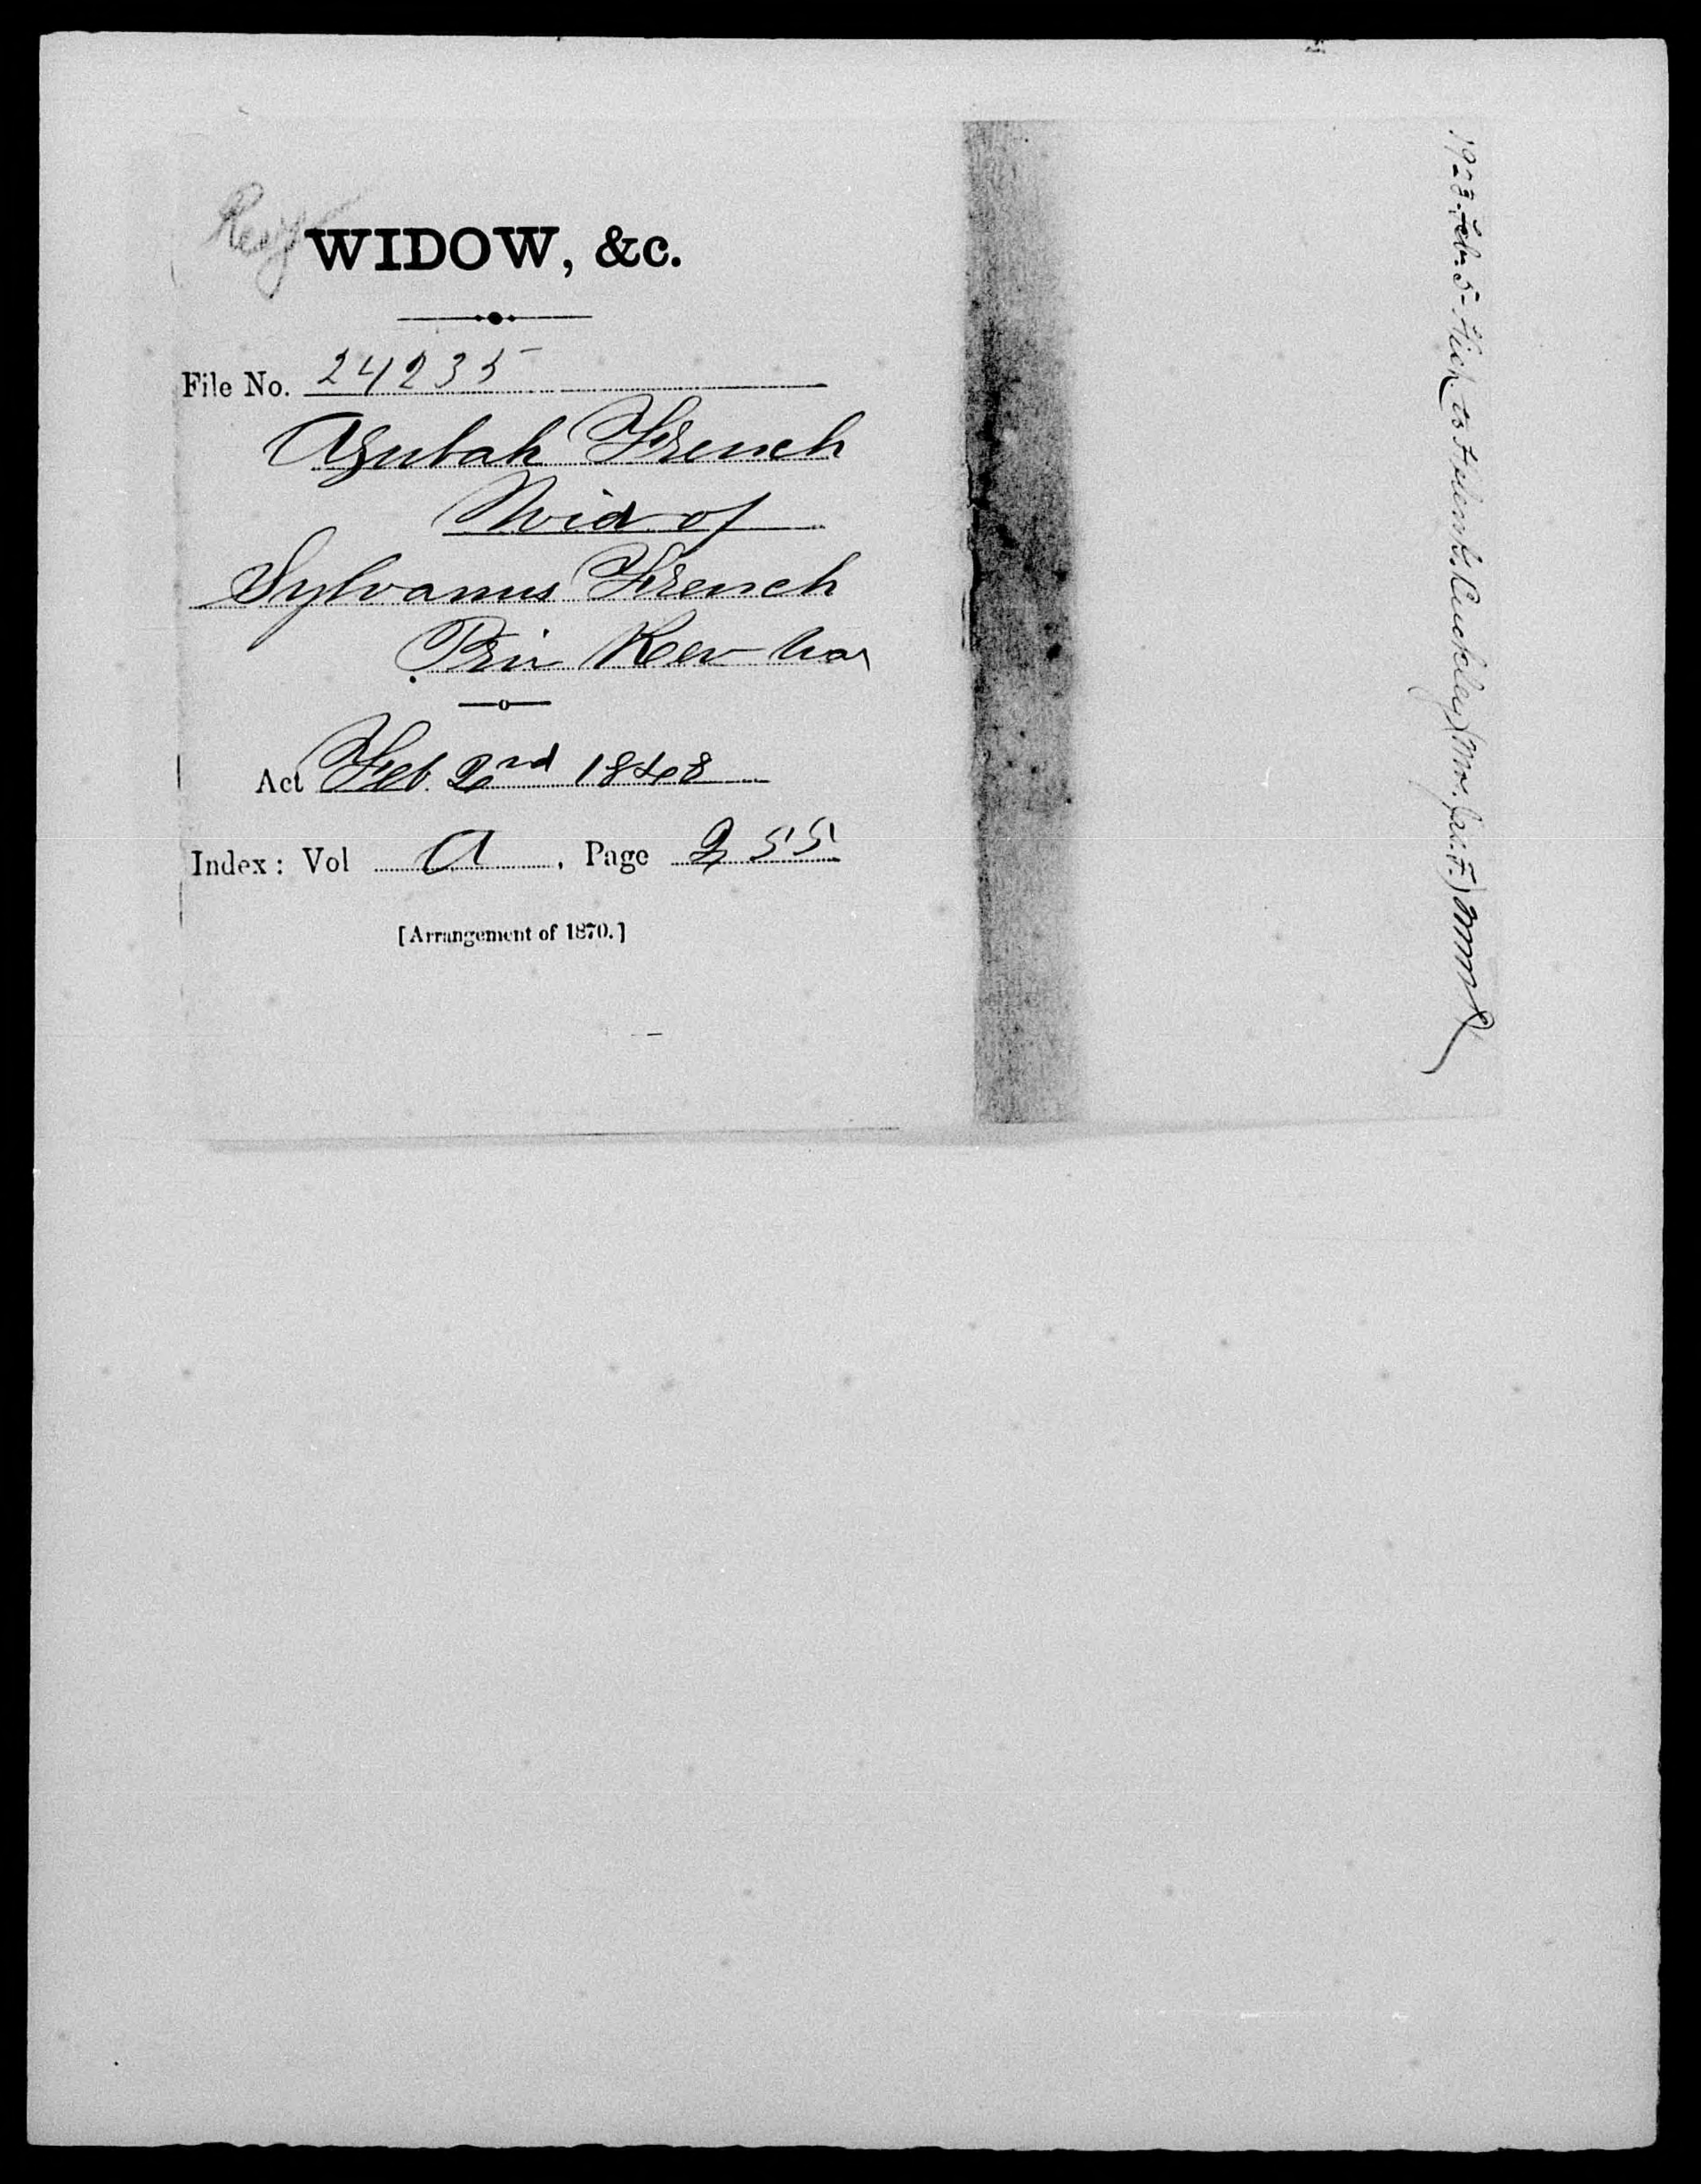Revy WIDOW, &c. 

File No. 24235 
Azubah French 
wid of Sylvanus French 
Pri Rev War
Act Feb 2nd 1848 

Index: Vol. A Page 25 

[Arrangement of 1870.]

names: Azubah French, Helen G Buckley, Jas F, Sylvanus French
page: 24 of 38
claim: widow's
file: W. 24,235, Silvanus French, Mass.